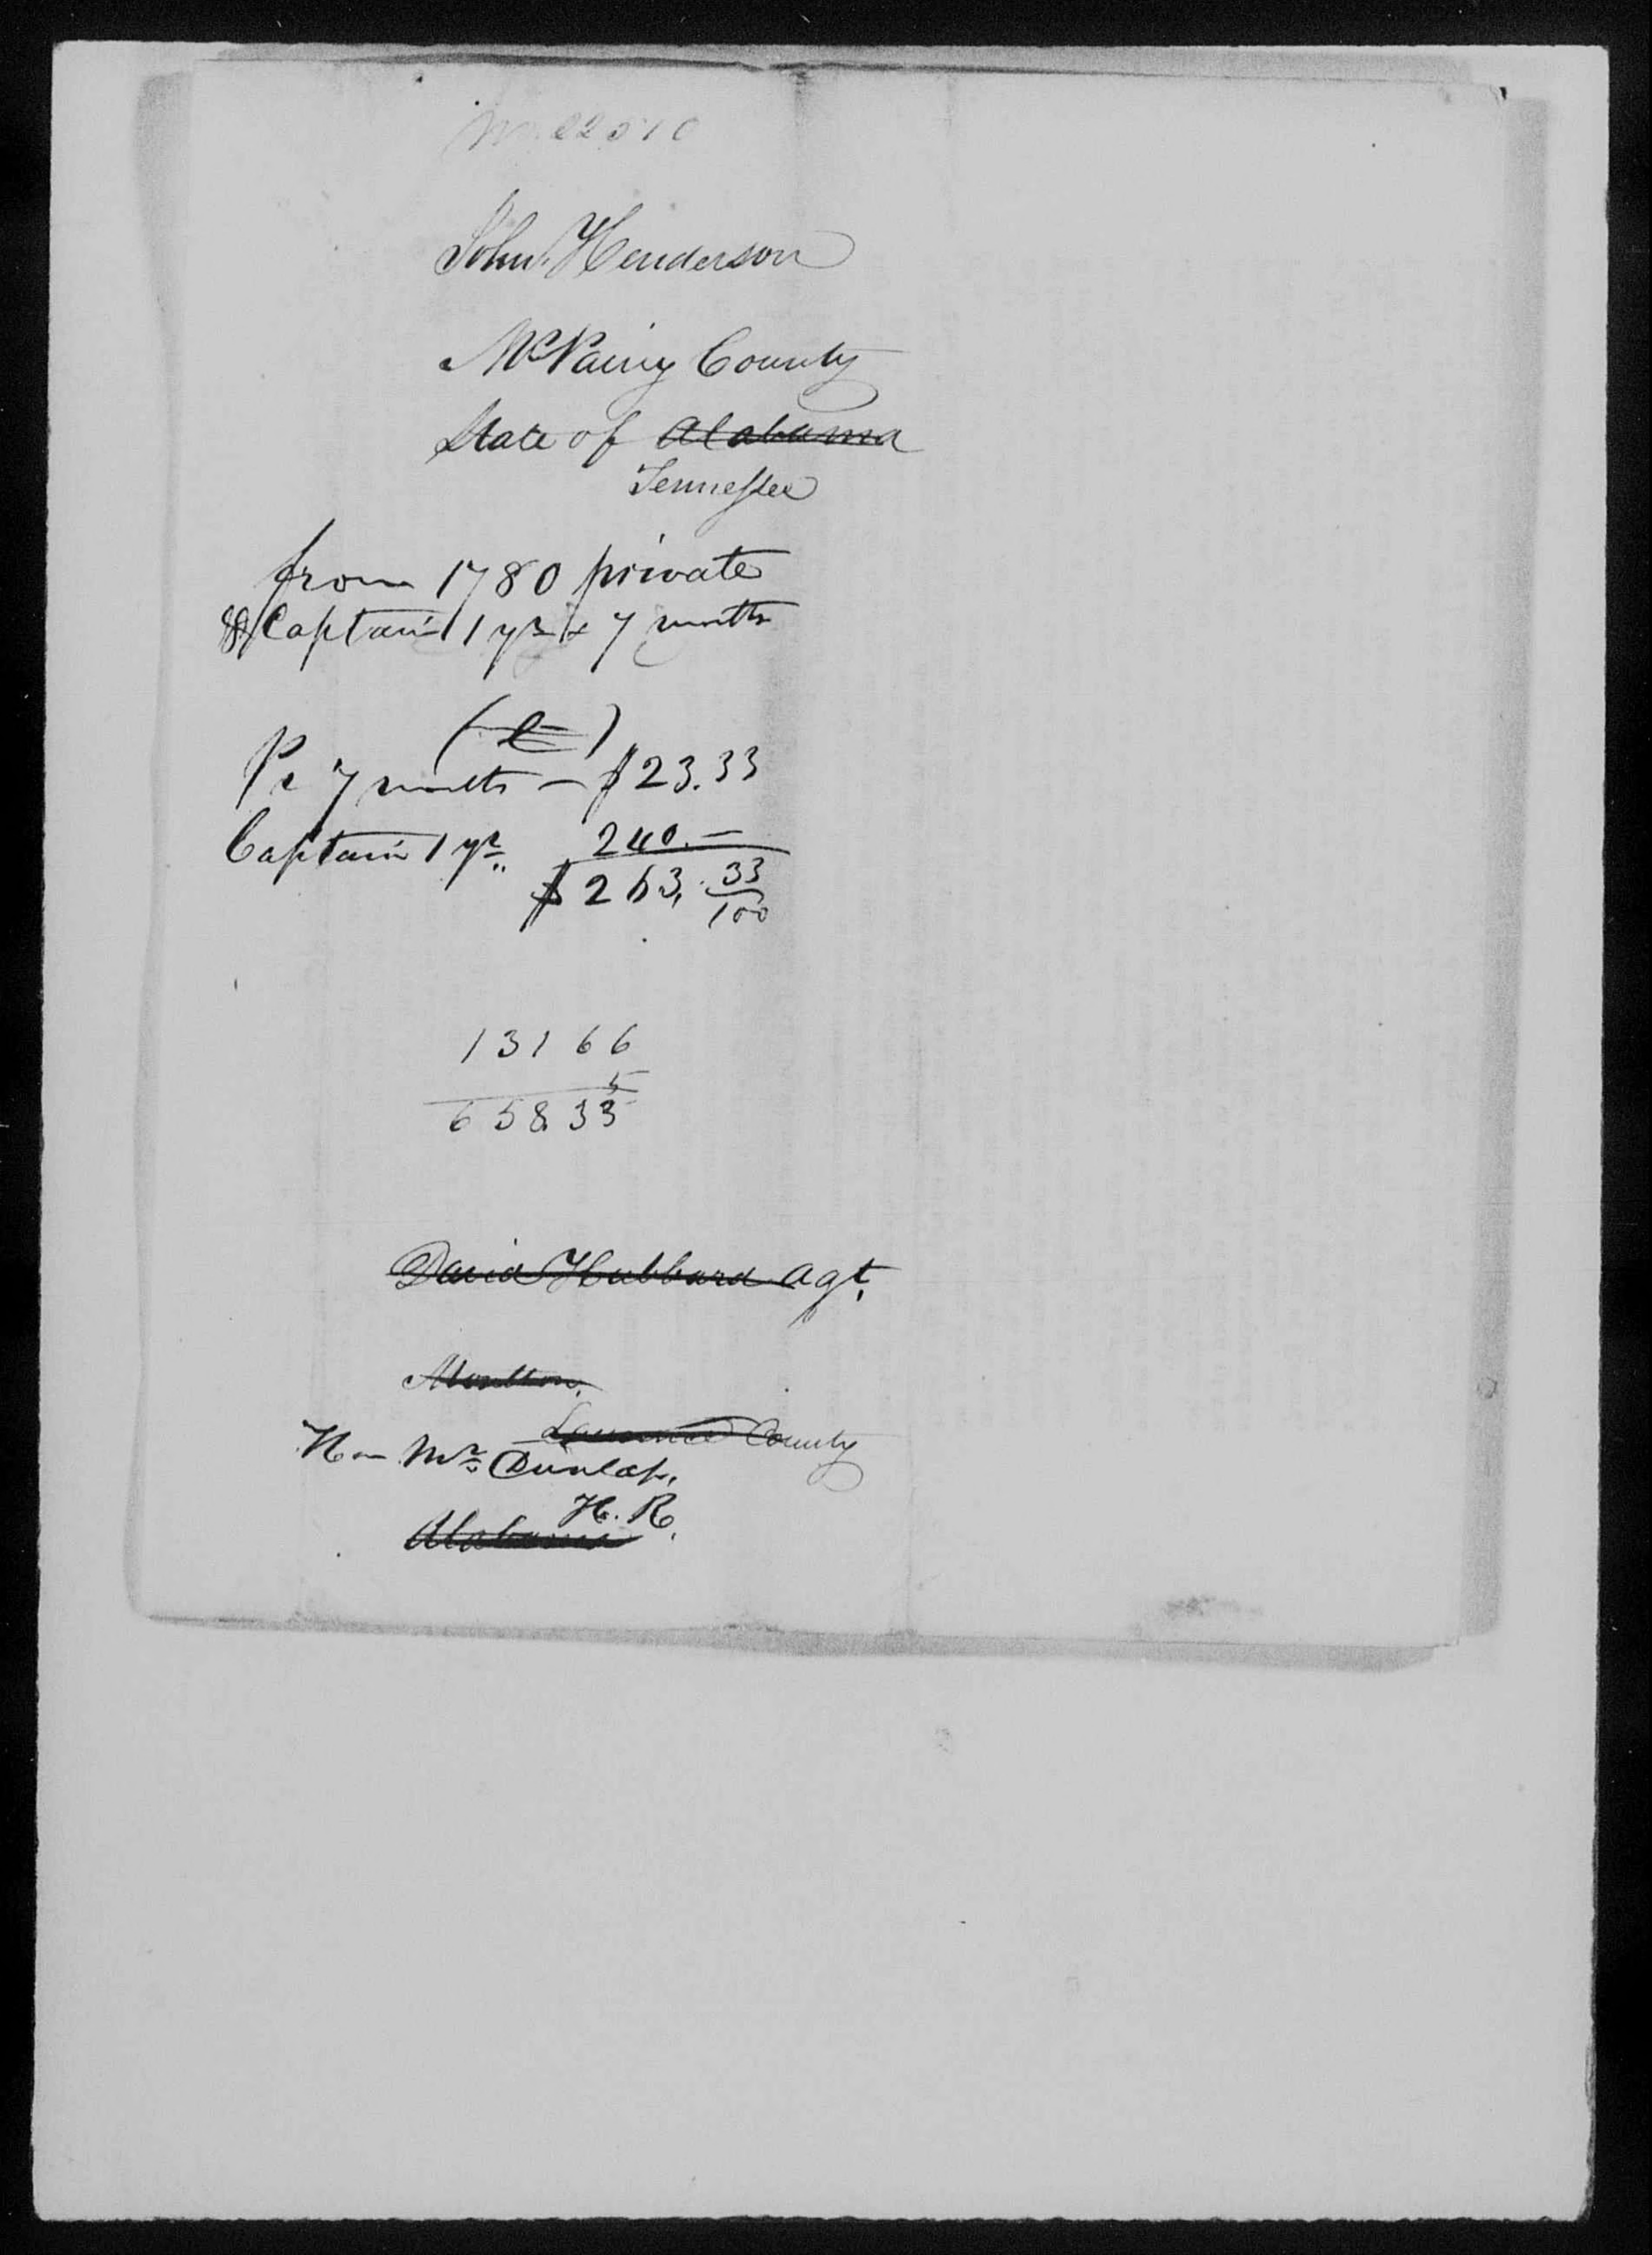W. 2270
John Henderson
McNairy County
State of 
Tennessee

from 1780 private
Captain 1yr & 7 months


Pr 7 months  -  $  23.33
Captain 1 yr         240. --    
                               _______
                               $263.33/100

131 66
          5
______
658.33

Hon Wm Dunlap
H R

[text not transcribed when crossed out]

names: David Hubbard, Dunlap, John Henderson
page: 9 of 40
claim: rejected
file: R. 4,869, John Henderson, S.C.